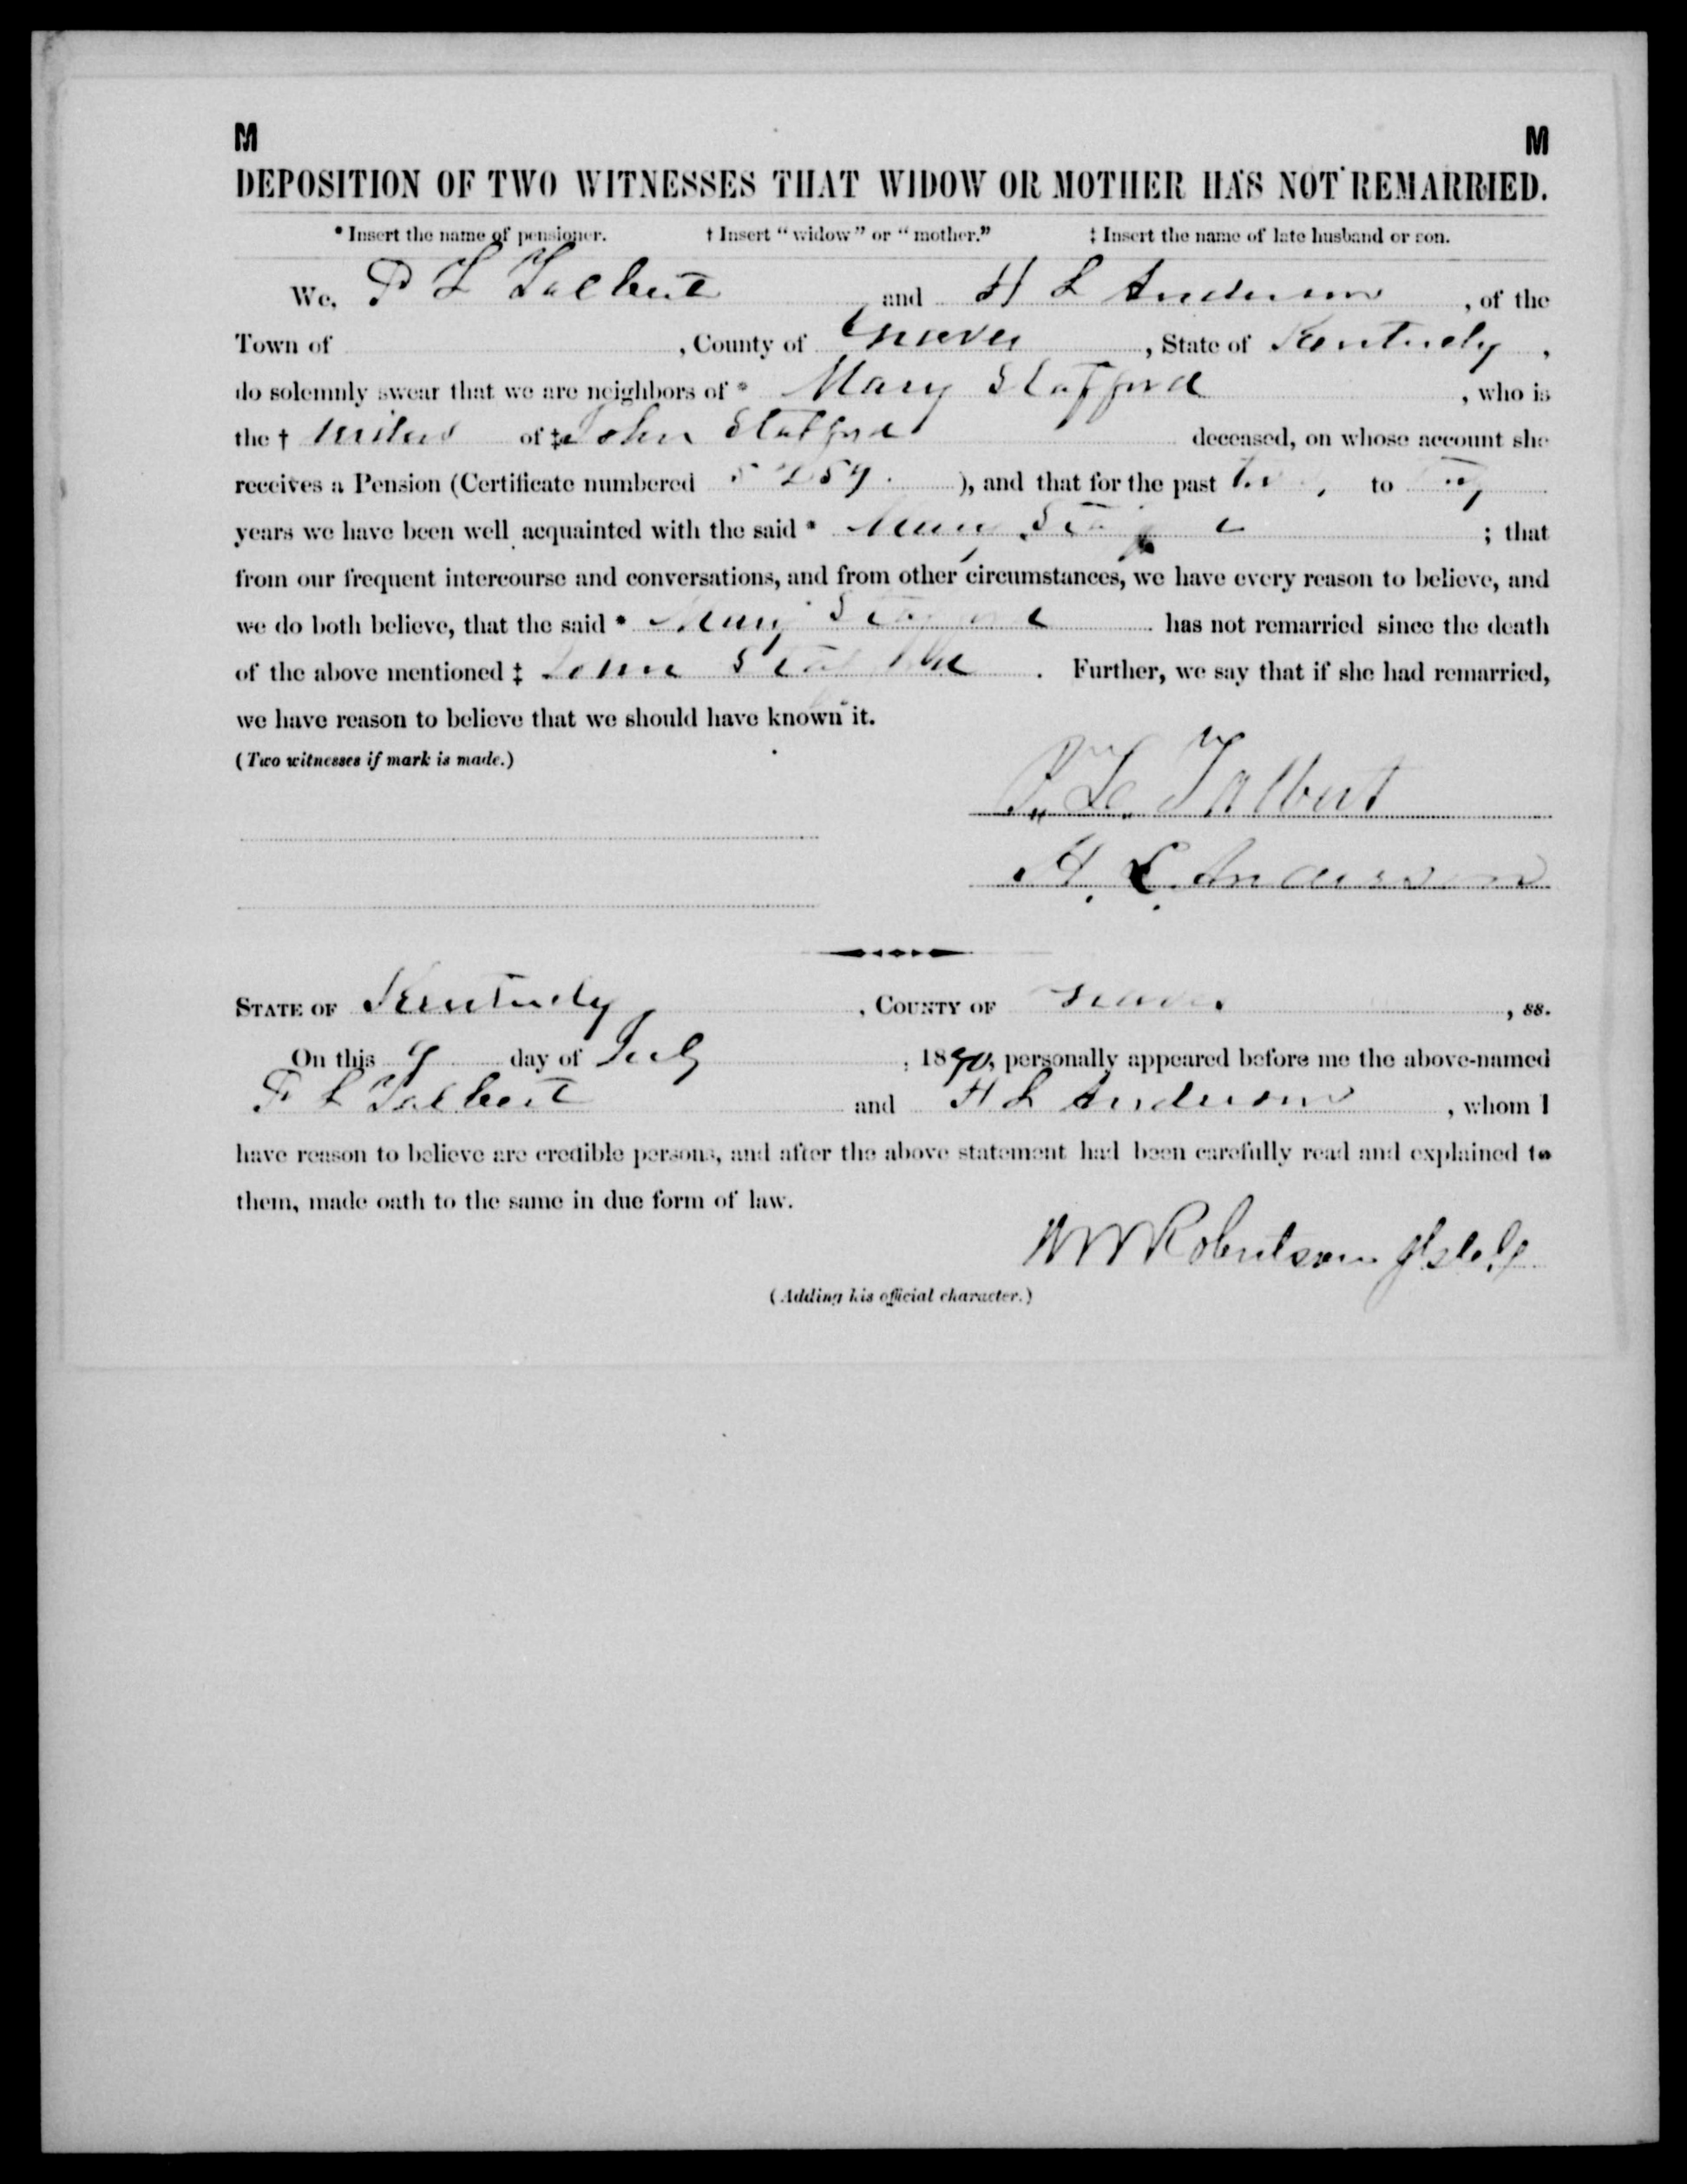M	M
DEPOSITION OF TWO WITNESSES THAT WIDOW OR MOTHER HAS NOT REMARRIED.
*Insert the name of pensioner.
+Insert “widów” or “mother.”
++Insert the name of late husband or son.
We, P L Talbert and H L Anderson, of the Town of 		,  County of Graves, State Kentucky, do solemnly swear that we are neighbors of * Mary Stafford, who is the +widow of ++John Stafford deceased, on whose account she receives a Pension (Certificate number 5259), and that for the past two, to ten, years we have been well acquainted with the said *Mary Stafford; that from our frequent intercourse and conversations, an from other circumstances, we have every reason to believe, and we do both believe, that the said *Mary Stafford has not remarried since the death of the above mentioned ++John Stafford. Further, we say that if she had remarried, we have reason to believe that we should have known it.
(Two witnesses if mark is made.)

P. L. Talbert
H. L. Anderson

State of Kentucky, County of Graves, ss.
On this 9 day of July 1970, personally appeared before me the above-named P. L. Talbert and H. L Anderson, whom I have reason to believe are credible persons, and after the above statement had been carefully read and explained to them, made the oath to the same in  due form of law.
W W Roberson Hslele
(Adding his official character.)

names: P L Talbert; H L Anderson; Mary Stafford; W W Robertson; Mary Stafford; H L Anderson; John Stafford; H L Anderson; P L Talbert; P L Talbert; Mary Stafford; Lewis Stafford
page: 39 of 61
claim: widow's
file: W. 11554, for John Stafford, Maryland